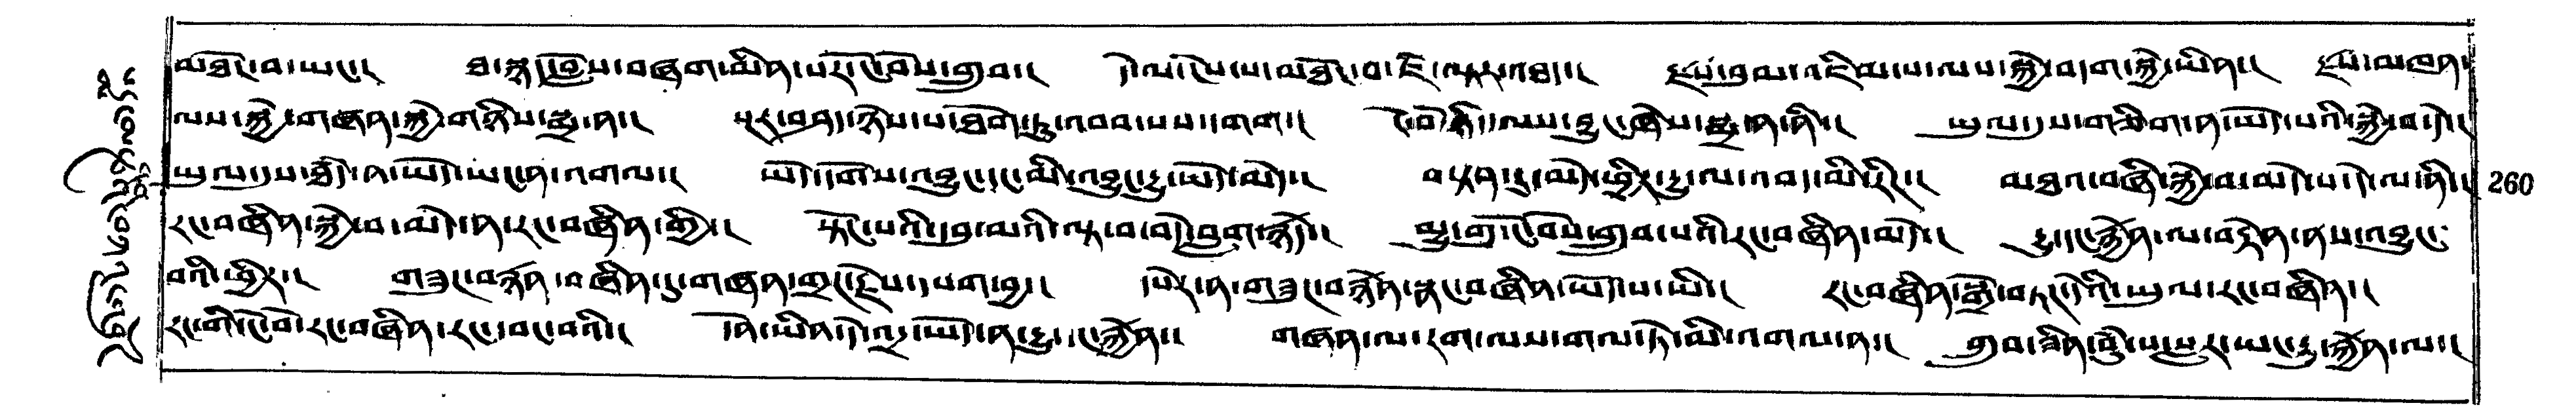མཐོང་བ་ཡང་། །ཐ་སྙད་བློས་བཞག་མིན་པར་ངོ་བོས་གྲུབ། །དེ་ལ་ངེས་པ་མཐོང་བ་ཇི་ལྟར་འཐད། །རྫ་བུམ་འཇིམ་པ་ལས་སྐྱེ་བདག་སྐྱེ་ཡིན། །རྫ་མཁན་
ལས་སྐྱེ་གཞན་སྐྱེ་གཉིས་སྨྲ་ན། །སྔར་བཤད་ཉེས་པ་ཐོག་ཏུ་འབབ་པས་དགག །ངོ་བོ་ཉིད་ལས་བྱུང་ཞེས་སྨྲ་ན་ནི། །ཡུལ་དུས་གཅིག་ན་ཡོད་པའི་སྐྱེ་བ་དེ། །
ཡུལ་དུས་ཐམས་ཅད་ན་ཡོད་ཡང་ན་འགལ། །ཡོད་དགོས་འབྱུང་དང་མི་འབྱུང་རྒྱུ་ཡོད་མེད། །བསྟན་དུ་མེད་ཕྱིར་རྒྱུ་ལ་འབད་མི་རིགས། །མཐའ་བཞི་སྐྱེ་བ་མེད་པ་དེ་ལ་ནི། །
རང་བཞིན་སྐྱེ་བ་མེད་ན་རང་བཞིན་གྱི། །སྟོང་པའི་དབུ་མའི་ལྟ་བ་བདེ་བླག་རྙེད། །མྱུ་གུ་ངོ་བོས་གྲུབ་པའི་རང་བཞིན་མེད། །རྒྱུ་དང་རྐྱེན་ལ་བརྟེན་ནས་འབྱུང་
བའི་ཕྱིར། །གཟུགས་བརྙན་བཞིན་དུ་གཞན་གྲགས་རྗེས་དཔག་བྱ། །དཔེར་ན་གཟུགས་བརྙན་སྣང་བཞིན་ཡོད་པ་ཡི། །རང་བཞིན་སྒྲོ་བཏགས་དེ་ཡི་ཡུལ་རང་བཞིན། །
རང་གི་ངོ་བོ་རང་བཞིན་རང་དབང་བའི། །དོན་ཡིན་དེ་འདྲ་ཡོད་ན་རྒྱུ་དང་རྐྱེན། །གཞན་ལ་རག་ལས་གལ་ཏེ་མི་འགལ་ན། །གྲུབ་ཟིན་བུམ་པ་སླར་ཡང་རྒྱུ་རྐྱེན་ལས། །